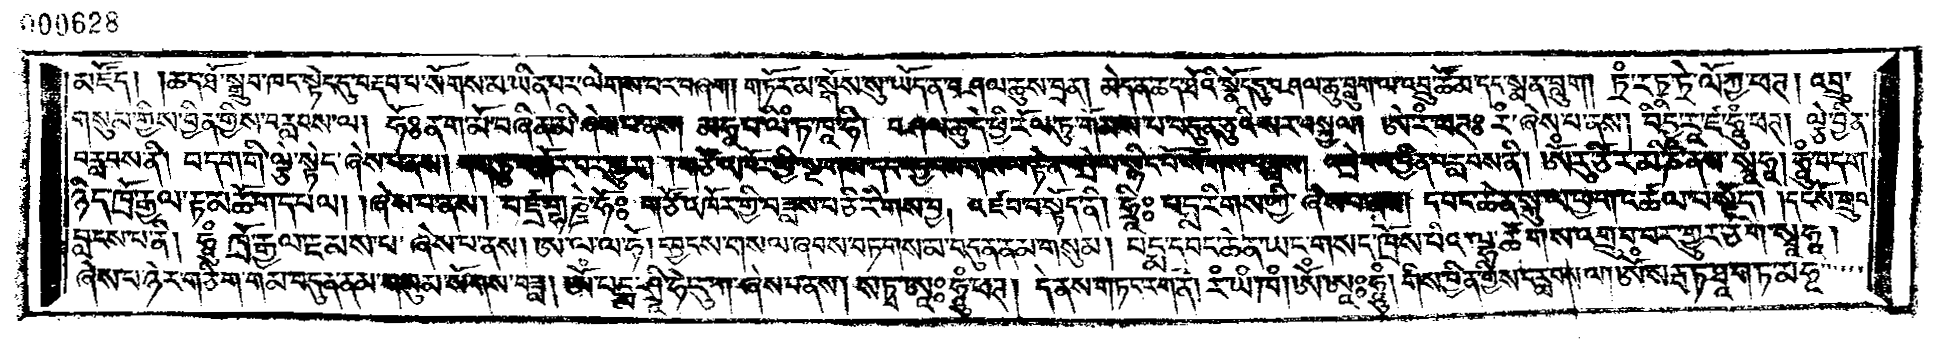མཛོད། །ཆད་ཐོ་སྒྲུབ་ཁང་སྟེང་དུ་བརྡབ་པ་སོགས་མ་ཡིན་པར་ལེགས་པར་བཞག །གཏོར་མ་སྒོས་སུ་ཡོད་ན་བཤལ་ཆུས་བྲན། མེད་ན་ཆད་ཐོའི་སྣོད་དུ་བཤལ་ཆུ་བླུག་ལ་འབྲུ་ཚོམ་དང་སྨན་བླུག །ཏྲཾ་རཏྣ་ཏྲེ་ལོཀྱ་ཕཊ། འབྲུ་
གསུམ་གྱིས་བྱིན་གྱིས་བརླབས་ལ། ཧོཿ ནག་མོ་བཞིན་མི་ཞེས་པ་ནས། མཧཱ་བ་ལིཾ་ཏ་ཁཱ་ཧི། བཤལ་ཆུ་དེ་ཕྱི་རོལ་ཏུ་གོམས་པ་བདུན་ཅུའི་སར་བསྐྱལ། ཨེ་རཾ་ཕཊཿ རཾ་ཞེས་པ་ནས། བིདྱཱ་རཱ་ཛ་ཧཱུཾ་ཕཊ། ལྕེ་བྱིན་
བརླབས་ནི། བདག་གི་ལྕེ་སྟེང་ཞེས་པ་ནས། དག་ཏུ་བསྐོར་བར་གྱུར། །གཙོ་འཁོར་གྱི་སྔགས་དང་དབྱངས་གསལ་རྟེན་འབྲེལ་སྙིང་པོ་སོགས་བཟླས། འཕྲེང་བ་བྱིན་བརླབས་ནི། ཨོཾ་རུ་ཙི་ར་མི་ཎ་ནས་སྭཱཧཱ། ཧཱུཾ་བདག་
ཉིད་ཁྲོ་རྒྱལ་རྟ་མཆོག་དཔལ། །ཞེས་པ་ནས། བཛྲ་གྷཎྜེ་ཧོཿ གཙོ་འཁོར་གྱི་བཟླས་པ་ཅི་རིགས་བྱ། འཛབ་བསྟོད་ནི། ཧྲཱིཿ པདམ་རིགས་ཀྱི་ཞེས་པ་ནས། དབང་ཆེན་སྐུ་ལ་ཕྱག་འཚལ་བསྟོད། །དངོས་གྲུབ་
བླངས་པ་ནི། ཧཱུཾ་ཁྲོ་རྒྱལ་རྔམས་པ་ཞེས་པ་ནས། ཨ་ལ་ལ་ཧོ། དབྱངས་གསལ་ཞབས་བཏགས་མ་བདུན་ནམ་གསུམ། པདམ་དབང་ཆེན་ཡང་གསད་ཁྲོས་པའི་ལྷ་ཚོགས་འགྲུབ་པར་གྱུར་ཅིག་སྭཱཧཱ།
ཞེས་པ་ཉེར་གཅིག་གམ་བདུན་ནམ་གསུམ་སོགས་བཟླ། ཨོཾ་པདམ་ཤྲཱི་ཧེ་རུ་ཀ་ཞེས་པ་ནས། སཏྭ་ཨཱཿ ཧཱུཾ་ཕཊ། དེ་ནས་གཏང་རག་ནི། རཾ་ཡཾ་ཁཾ། ཨོཾ་ཨཱཿ ཧཱུཾ། གིས་བྱིན་གྱིས་བརླབས་ལ། ཨོཾ་སརྦ་ཏ་ཐཱ་ག་ཏ་མཧཱ་